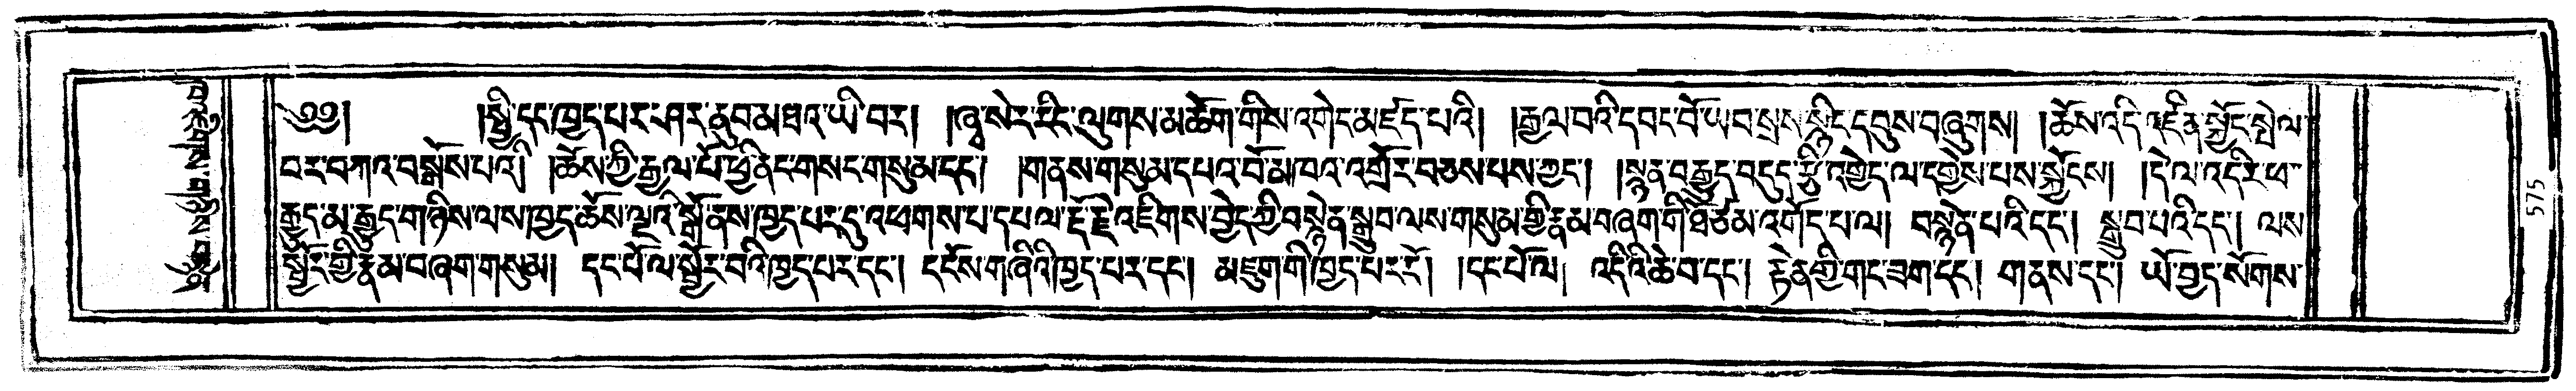༄༅། །སྤྱི་དང་ཁྱད་པར་ཤར་ནུབ་མཐའ་ཡི་བར། །ཞྭ་སེར་རིང་ལུགས་མཆོག་གིས་འགེང་མཛད་པའི། །རྒྱལ་བའི་དབང་བོ་ཡབ་སྲས་སྙིང་དབུས་བཞུགས། །ཆོས་འདི་འཛིན་སྐྱོང་སྤེལ་
བར་བཀའ་བསྒོས་པའི། །ཆོས་ཀྱི་རྒྱལ་པོ་ཕྱི་ནང་གསང་གསུམ་དང་། །གནས་གསུམ་དཔའ་བོ་མཁའ་འགྲོར་བཅས་པས་ཀྱང་། །སྙན་བརྒྱུད་བདུད་རྩི་འགྱེད་ལ་དགྱེས་པས་སྐྱོངས། །དེ་ལ་འདིར་ཕ་
རྒྱུད་མ་རྒྱུད་གཉིས་ལས་ཁྱད་ཆོས་ལྔའི་སྒོ་ནས་ཁྱད་པར་དུ་འཕགས་པ་དཔལ་རྡོ་རྗེ་འཇིགས་བྱེད་ཀྱི་བསྙེན་སྒྲུབ་ལས་གསུམ་གྱི་རྣམ་བཞག་གི་ཐོ་ཙམ་འགོད་པ་ལ། བསྙེན་པའི་དང་། སྒྲུབ་པའི་དང་། ལས་
སྦྱོར་གྱི་རྣམ་བཞག་གསུམ། དང་པོ་ལ་སྦྱོར་བའི་ཁྱད་པར་དང་། དངོས་གཞིའི་ཁྱད་པར་དང་། མཇུག་གི་ཁྱད་པར་རོ། །དང་པོ་ལ། འདིའི་ཆེ་བ་དང་། རྟེན་གྱི་གང་ཟག་དང་། གནས་དང་། ཡོ་བྱད་སོགས་